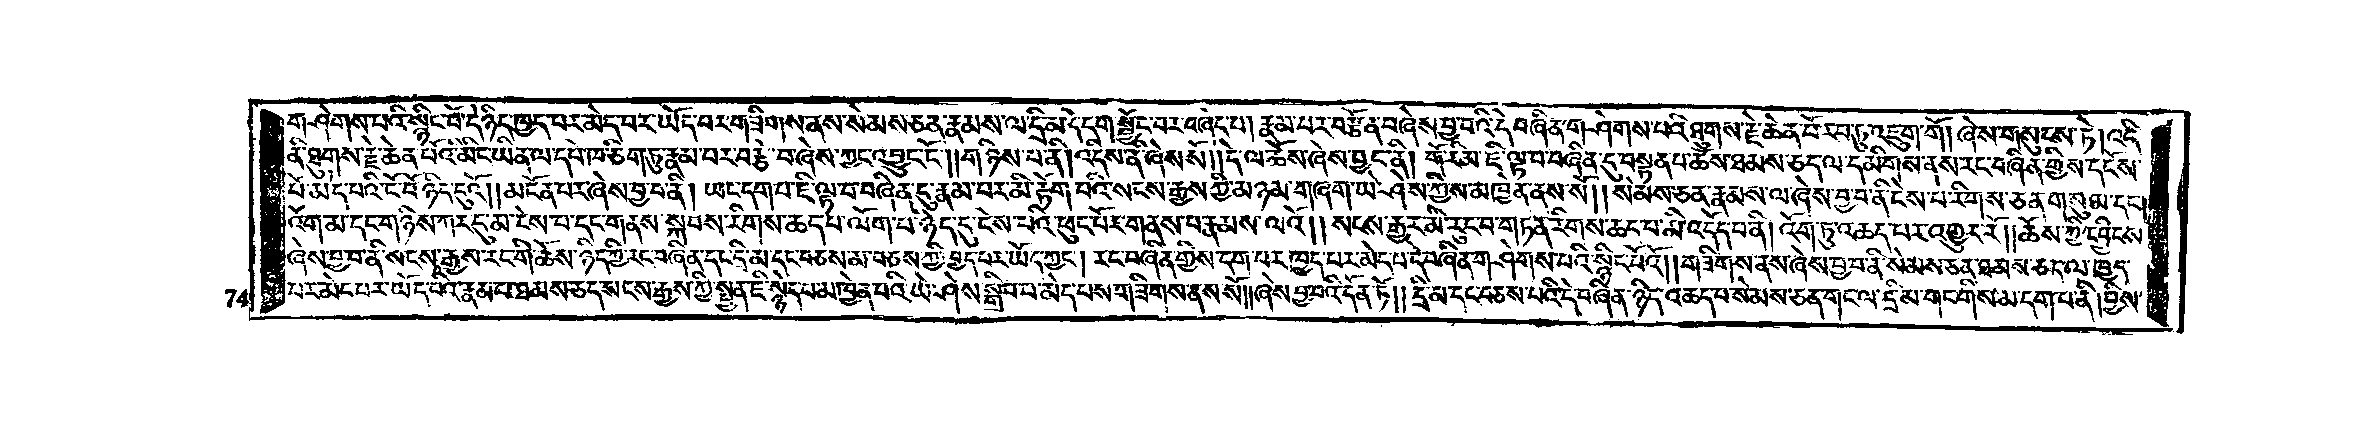གཤེགས་པའི་སྙིང་པོ་དེ་ཉིད་ཁྱད་པར་མེད་པར་ཡོད་པར་གཟིགས་ནས་སེམས་ཅན་རྣམས་ལ་དྲི་མ་དེ་དག་སྦྱོང་བར་བཞེད་པ། རྣམ་པར་བརྩོན་བཞེས་བྱ་བའི་དེ་བཞིན་གཤེགས་པའི་ཐུགས་རྗེ་ཆེན་པོ་རབ་ཏུ་འཇུག་གོ །ཞེས་གསུངས་ཏེ། འདི་
ནི་ཐུགས་རྗེ་ཆེན་པོའི་མིང་ཡིན་ལ་དཔེ་ཁ་ཅིག་ཏུ་རྣམ་པར་བརྩེ་བ་ཞེས་ཀྱང་འབྱུང་ངོ། །གཉིས་པ་ནི། འདིས་ནི་ཞེས་སོ། །དེ་ལ་ཆོས་ཞེས་བྱ་བ་ནི། གོ་རིམ་ཇི་ལྟ་བ་བཞིན་དུ་བསྟན་པ་ཆོས་ཐམས་ཅད་ལ་དམིགས་ནས་རང་བཞིན་གྱིས་དངོས་
པོ་མེད་པའི་ངོ་བོ་ཉིད་དུའོ། །མངོན་པར་ཞེས་བྱ་བ་ནི། ཡང་དག་པ་ཇི་ལྟ་བ་བཞིན་དུ་རྣམ་པར་མི་རྟོག་པའི་སངས་རྒྱས་ཀྱི་མཉམ་གཞག་ཡེ་ཤེས་ཀྱིས་མཁྱེན་ནས་སོ། །སེམས་ཅན་རྣམས་ལ་ཞེས་བྱ་བ་ནི་ངེས་པ་རིགས་ཅན་གསུམ་དང་།
འོག་མ་དང་གཉིས་ཀར་དུ་མ་ངེས་པ་དང་གནས་སྐབས་རིགས་ཆད་པ་ལོག་པ་ཉིད་དུ་ངེས་པའི་ཕུང་པོར་གནས་པ་རྣམས་ལའོ། །སངས་རྒྱས་མི་རུང་བ་གཏན་རིགས་ཆད་པ་མི་འདོད་པ་ནི། འོག་ཏུ་འཆད་པར་འགྱུར་རོ། །ཆོས་ཀྱི་དབྱིངས་
ཞེས་བྱ་བ་ནི་སངས་རྒྱས་རང་གི་ཆོས་ཉིད་ཀྱི་རང་བཞིན་དང་དྲི་མ་དང་བཅས་མ་བཅས་ཀྱི་བྱེད་པར་ཡོད་ཀྱང་། རང་བཞིན་གྱིས་དག་པར་ཁྱད་པར་མེད་པ་དེ་བཞིན་གཤེགས་པའི་སྙིང་པོའི་གཟིགས་ནས་ཞེས་བྱ་བ་ནི་སེམས་ཅན་ཐམས་ཅད་ལ་ཁྱད་
པར་མེད་པར་ཡོད་པའི་རྣམ་པ་ཐམས་ཅད་སངས་རྒྱས་ཀྱི་སྤྱན་ཇི་སྙེད་པ་མཁྱེན་པའི་ཡེ་ཤེས་སྒྲིབ་པ་མེད་པས་གཟིགས་ནས་སོ། །ཞེས་བྱ་བའི་དོན་ཏོ། །དྲི་མ་དང་བཅས་པའི་དེ་བཞིན་ཉིད་འཆད་པ་སེམས་ཅན་གང་ལ་དྲི་མ་གང་གིས་མ་དག་པ་ནི། བྱིས་